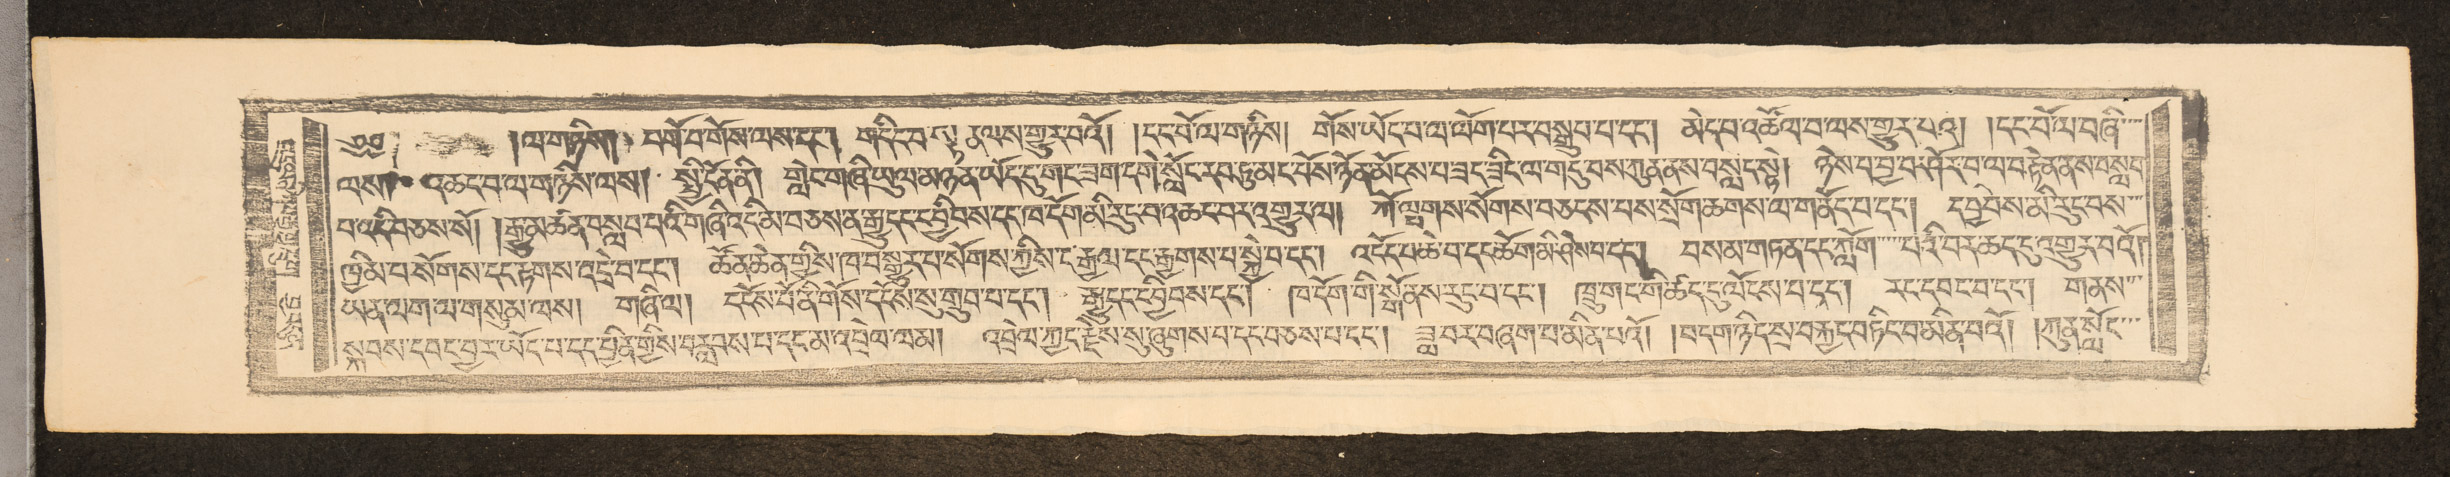༄༅། །ལ་གཉིས། བགོ་བ་གོས་ལས་དང་། གདིང་བ་སྟན་ལས་གྱུར་པའོ། །དང་པོ་ལ་གཉིས། གོས་ཡོད་པ་ལ་ལོག་པར་བསྒྲུབ་པ་དང་། མེད་པ་འཚོལ་བ་ལས་གྱུར་པའོ། །དང་པོ་ལ་བཞི་
ལས། འཆང་བ་ལ་གཉིས་ལས། སྤྱི་དོན་ནི། གླེང་གཞི་ཡུལ་མཉན་ཡོད་དུ་གང་ཟག་དགེ་སློང་རབ་ཏུ་མང་པོས་ཉོན་མོངས་པ་ཟང་ཟིང་ལ་གདུ་བས་ཀུན་ནས་བསླང་སྟེ། ཉེས་པ་བྱ་བ་ཤོར་བ་ལ་བརྟེན་ནས་བསླབ་
པ་འདི་བཅས་སོ། །རྒྱུ་མཚན་བསླབ་པའི་གཞི་འདི་མ་བཅས་ན་རྒྱུ་དང་དབྱིབས་དང་ཁ་དོག་མི་རུང་བ་འཆང་པར་འགྱུར་ལ། ཀོ་ལྤགས་སོགས་བཅངས་པས་སྲོག་ཆགས་ལ་གནོད་པ་དང་། དབྱིབས་མི་རུང་བས་
ཁྱིམ་པ་སོགས་དང་རྟགས་འདྲེ་བ་དང་། ཚོན་ཆེན་གྱིས་ཁ་བསྒྱུར་བ་སོགས་ཀྱིས་ང་རྒྱལ་དང་རྒྱགས་པ་སྐྱེ་བ་དང་། འདོད་པ་ཆེ་བ་དང་ཆོག་མི་ཤེས་པ་དང་། བསམ་གཏན་དང་ཀློག་པའི་བར་ཆད་དུ་འགྱུར་བའོ།།
ཡན་ལག་ལ་གསུམ་ལས། གཞི་ལ། དངོས་པོ་ནི་གོས་དངོས་སུ་གྲུབ་པ་དང་། རྒྱུ་དང་དབྱིབས་དང་། ཁ་དོག་གི་སྒོ་ནས་རུང་བ་དང་། ཁྲུ་གང་གི་ཚད་དུ་ལོངས་པ་དང་། རང་དབང་བ་དང་། གནས་
སྐབས་དབང་བྱར་ཡོད་པ་དང་བྱིན་གྱིས་བརླབས་པ་དང་མ་འབྲེལ་ལམ། འབྲེལ་ཀྱང་རྗེས་སུ་ཞུགས་པ་དང་བཅས་པ་དང་། ཟླ་བར་བཞག་པ་མིན་པའོ། །བདག་ཉིད་སྲ་བརྐྱང་པ་ཉིད་པ་མིན་པའོ། །ཀུན་སློང་